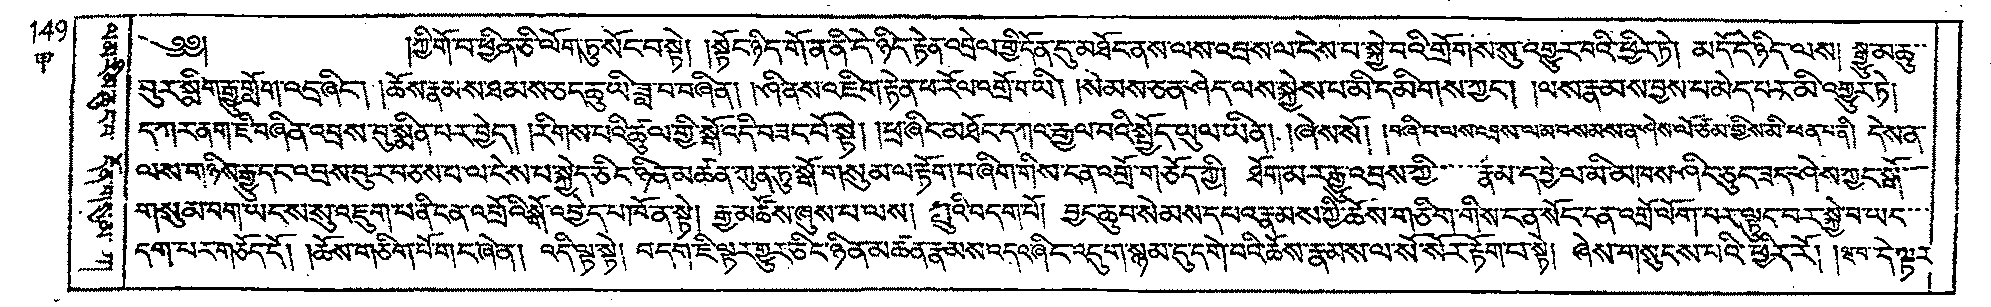༄༅། །ཀྱི་གོ་བ་ཕྱིན་ཅི་ལོག་ཏུ་སོང་བ་སྟེ། །སྟོང་ཉིད་གོ་ན་ནི་དེ་ཉིད་རྟེན་འབྲེལ་གྱི་དོན་དུ་མཐོང་ནས་ལས་འབྲས་ལ་ངེས་པ་སྐྱེ་བའི་གྲོགས་སུ་འགྱུར་བའི་ཕྱིར་ཏེ། མདོ་དེ་ཉིད་ལས། སྒྱུ་མ་ཆུ་
བུར་སྨིག་རྒྱུ་གློག་འདྲ་ཞིང་། །ཆོས་རྣམས་ཐམས་ཅད་ཆུ་ཡི་ཟླ་བ་བཞིན། །ཤི་ནས་འཇིག་རྟེན་ཕ་རོལ་འགྲོ་བ་ཡི། །སེམས་ཅན་ཤེད་ལས་སྐྱེས་པ་མི་དམིགས་ཀྱང་། །ལས་རྣམས་བྱས་པ་མེད་པར་མི་འགྱུར་ཏེ།
དཀར་ནག་ཇི་བཞིན་འབྲས་བུ་སྨིན་པར་བྱེད། །རིགས་པའི་ཚུལ་གྱི་སྒོ་འདི་བཟང་པོ་སྟེ། །ཕྲ་ཞིང་མཐོང་དཀའ་རྒྱལ་བའི་སྤྱོད་ཡུལ་ཡིན། །ཞེས་སོ། ། བཞི་པ་ལས་འབྲས་ལ་མ་བསམས་ན་ཤེས་ལོ་ཙམ་གྱིས་མི་ཕན་པ་ནི། དེས་ན་
ལས་གཉིས་རྒྱུ་དང་འབྲས་བུར་བཅས་པ་ལ་ངེས་པ་སྐྱེད་ཅིང་ཉིན་མཚན་ཀུན་ཏུ་སྒོ་གསུམ་ལ་རྟོག་པ་ཞིག་གིས་ངན་འགྲོ་གཅོད་ཀྱི། ཐོག་མར་རྒྱུ་འབྲས་ཀྱིརྣམ་དབྱེ་ལ་མི་མཁས་ཤིང་ཅུང་ཟད་ཤེས་ཀྱང་སྒོ་
གསུམ་བག་ཡངས་སུ་འཇུག་པ་ནི་ངན་འགྲོའི་སྒོ་འབྱེད་པ་ཁོ་ན་སྟེ། རྒྱ་མཚོས་ཞུས་པ་ལས། ཀླུའི་བདག་པོ། བྱང་ཆུབ་སེམས་དཔའ་རྣམས་ཀྱི་ཆོས་གཅིག་གིས་ངན་སོང་ངན་འགྲོ་ལོག་པར་ལྟུང་བར་སྐྱེ་བ་ཡང་
དག་པར་གཅོད་དོ། །ཆོས་གཅིག་པོ་གང་ཞེ་ན། འདི་ལྟ་སྟེ། བདག་ཇི་ལྟར་གྱུར་ཅིང་ཉིན་མཚན་རྣམས་འདའ་ཞིང་འདུག་སྙམ་དུ་དགེ་བའི་ཆོས་རྣམས་ལ་སོ་སོར་རྟོག་པ་སྟེ། ཞེས་གསུངས་པའི་ཕྱིར་རོ། ། ལྔ་པ་དེ་ལྟར་